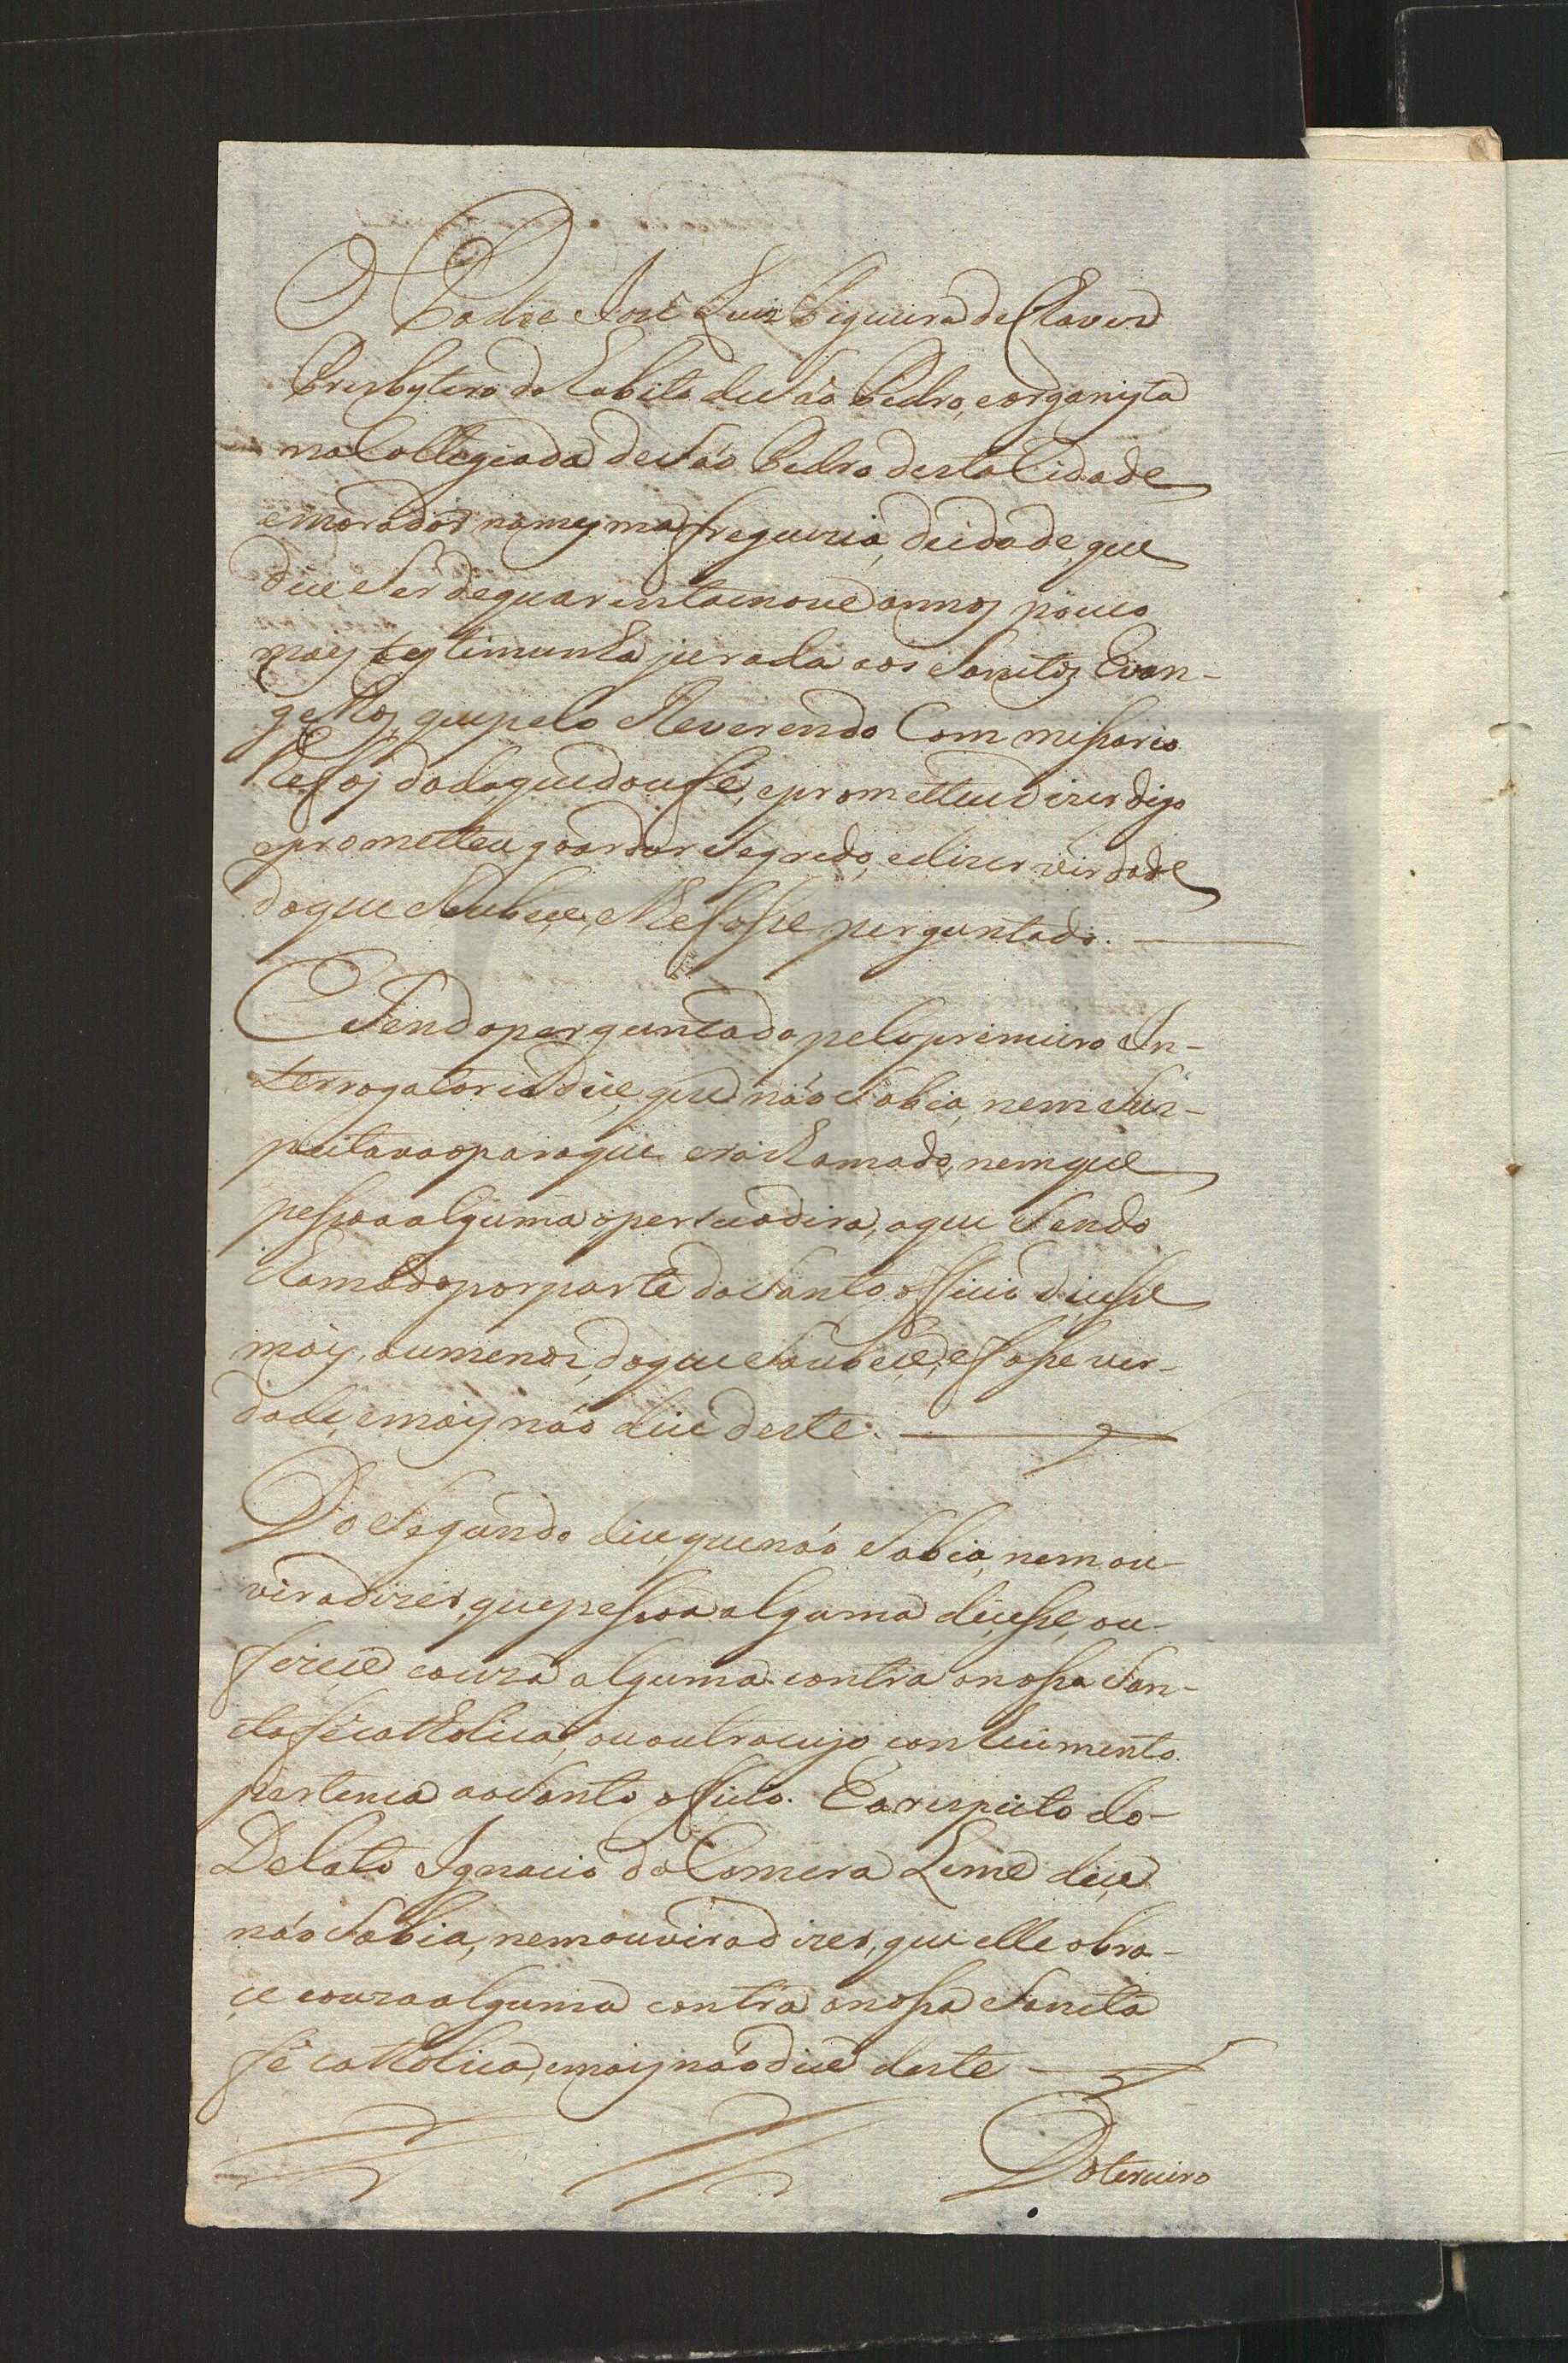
O Padre Iozê Luiz Figueira de Chavez
Presbytero do habito de Saõ Pedro, e organista
na Collegiada de São Pedro desta Cidade
e morador na mesma freguezia, de idade que
dice Ser de quarenta e nove annos pouco
mais testimunha jurada aos Sanctos Evan
gelhos que pelo Reverendo Commissario
lhe foj dado, que dou fé, e prometteu dizer digo
e prometteu goardar Segredo, e dizer virdade
do que Soubeçe, e lhe fosse perguntado.
E Sendo perguntado pelo primeiro In
terrogatorio dice, que naõ Sabia, nem Sus
peitava o para que era chamado, nem que
pessoa alguma o persuadira, a que Sendo
chamado por parte do Santo officio dicesse
mais, ou menos, do que Soubeçe, e fosse ver
dade, e mais não dice deste.
Do Segundo dice, que não Sabia, nem ou
vira dizer, que pessoa alguma diçesse, ou
fizeçe couza alguma contra a nossa San
ta fê catholica, ou outra cujo conhecimento
pertença ao Santo offiçio. E a respeito do
Delato Ignacio da Camera Leme diçe
não Sabia, nem ouvira dizer, que elle obra
çe couza alguma contra a nossa Sancta
fê catholica, e mais não dice deste
Do terceiro
